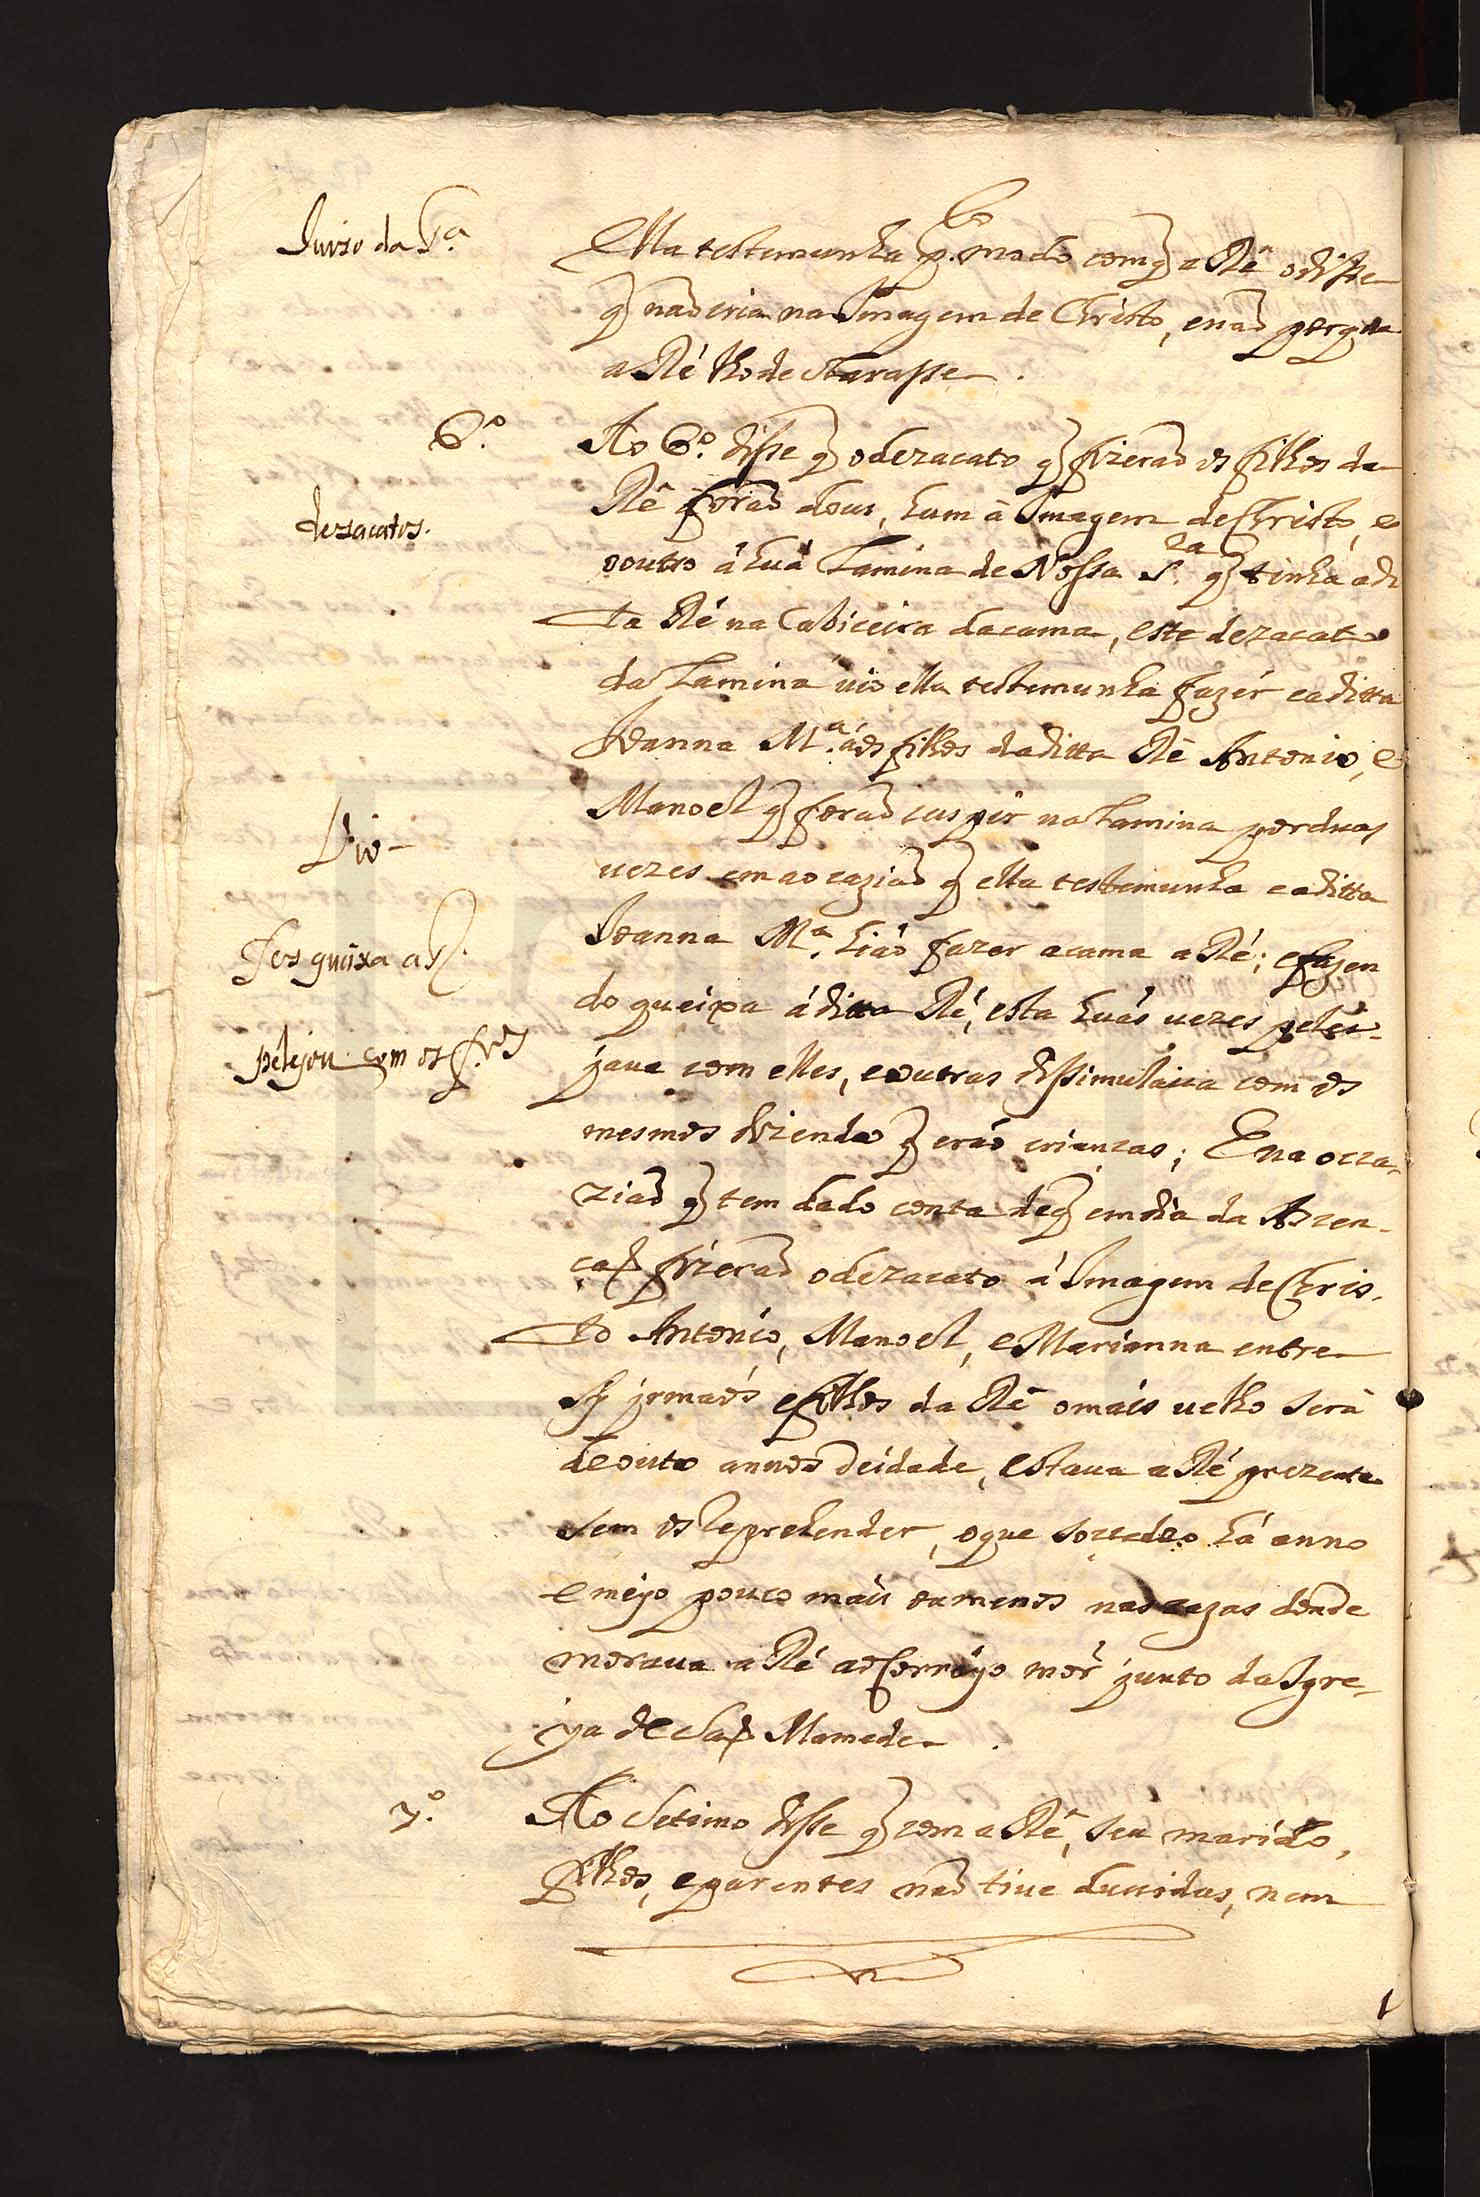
Juizo da T.a
6.o
dezacatos
Vio
fes queixa a R.
pelejou com os f.os
7.o
Ella testemunha p.lo modo com q̄ a Ré o disse
q̄ naõ cria na Imagem de Christo, e naõ porque
a Ré lho declarasse
Ao 6.o disse q̄ o dezacato q̄ fizerão os filhos da
Ré forão dous, hum à Imagem de Christo, e
o outro à huā Lamina de Nossa S.ra q̄ tinha a di
ta Ré na cabiceira da cama, este dezacato
da Lamina uio ella testemunha fazer e a ditta
Ioanna M.a aos filhos da ditta Ré Antonio, e
Manoel q̄ foraõ cuspir na lamina por duas
uezes em a ocaziaõ q̄ ella testemunha e a ditta
Ioanna M.a hiaõ fazer a cama a Ré; e fazen
do queixa à ditta Ré, esta huās uezes pelei
jaua com elles, e outras dissimulaua com os
mesmos dizendo q̄ eraõ crianças; E na occa
ziaõ q̄ tem dado conta de q̄ em dia da Ascen
çaõ fizeraõ o dezacato à Imagem de Chris
to Antonio, Manoel, e Marianna entre
sy jrmaõs e filhos da Ré o mais uelho será
de outo annos de idade, estaua a Ré prezente
sem os Reprehender, o que soccedeo há anno
e meyo pouco mais ou menos nas cazas donde
moraua a Ré ao Correyo mor junto da Igre
ya de Saõ Mamede.
Ao Setimo disse q̄ com a Ré, seu marido,
filhos, e parentes naõ tiue duuidas, nem
